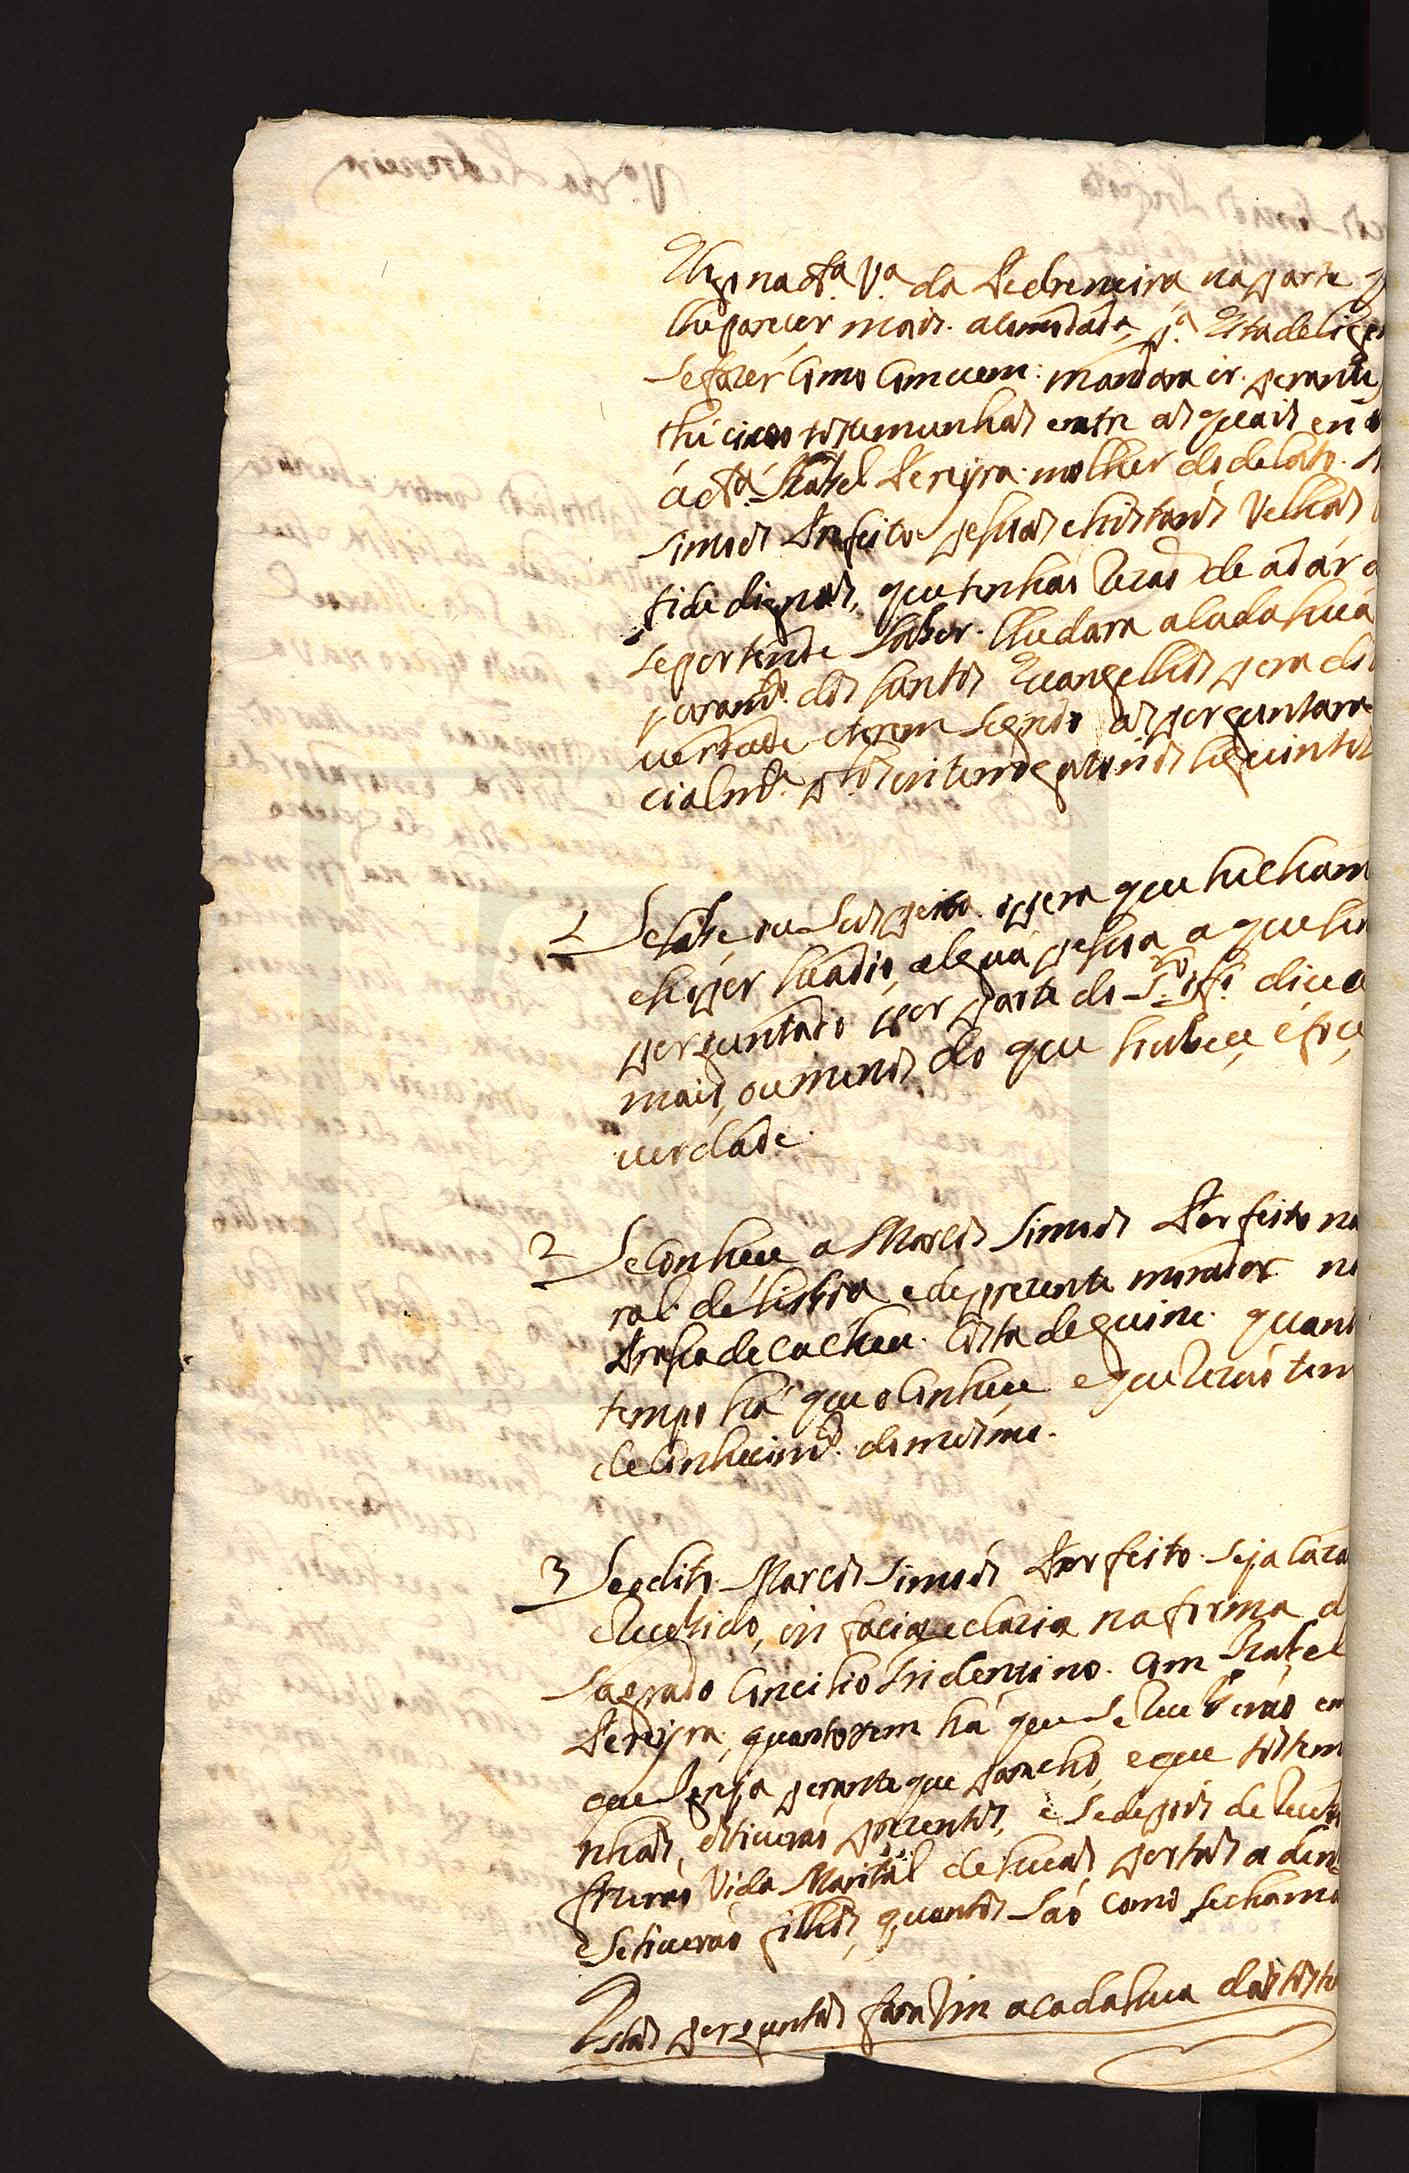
E Logo na d̄.a V.a da Pedreneira na parte
lhe parecer mais acomodada, p.a Esta delige
se fazer como Comuem: mandara ir perante
thé cinco testemunhas entre as quais e no
á d̄.a Izabel Pereyra molher do delato.
simoes Prefeito pessoas christan̄s velhas,
fidedignas, que tenhaõ Rezaõ de a dár e
se pertente saber. lhe dara a Cada huā
juramto dos santos Euangelhos pera di
uerdade e terem segredo as perguntara
cialm.te pl.os innterrogatorios seguintes
1 Se sabe ou suspeita o pera que he cham
e ho persuadio, alguā pessoa a que hu
perguntado per parte do s.to off.o dicece
mais, ou menos do que soubece e foce
uerdade.
2 Se conhece a Marcos Simoes Perfeito na
ral de Lisboa, e de prezente morador na
Praça de cacheu. Costa de guine quant
tempo há que o Conhece e que Rezaõ tem
de conhecim.to do mesmo.
3 Se o dito Marcos simoẽs Perfeito seja caza
Recebido, in facia eclazia na forma d
sagrado Concilio tridentino. com Izabel
Pereyra, quanto tem há que se Receberaõ em
que Igreja perante que Paracho, e que testem
nhas, estiueraõ prezentes, e se depois de Receb
fizeraõ Vida Marital de huās portas aden
Se tiuerão filhos, quantos Saõ como se chama
Estas perguntas fara Vm a cada hua das test
